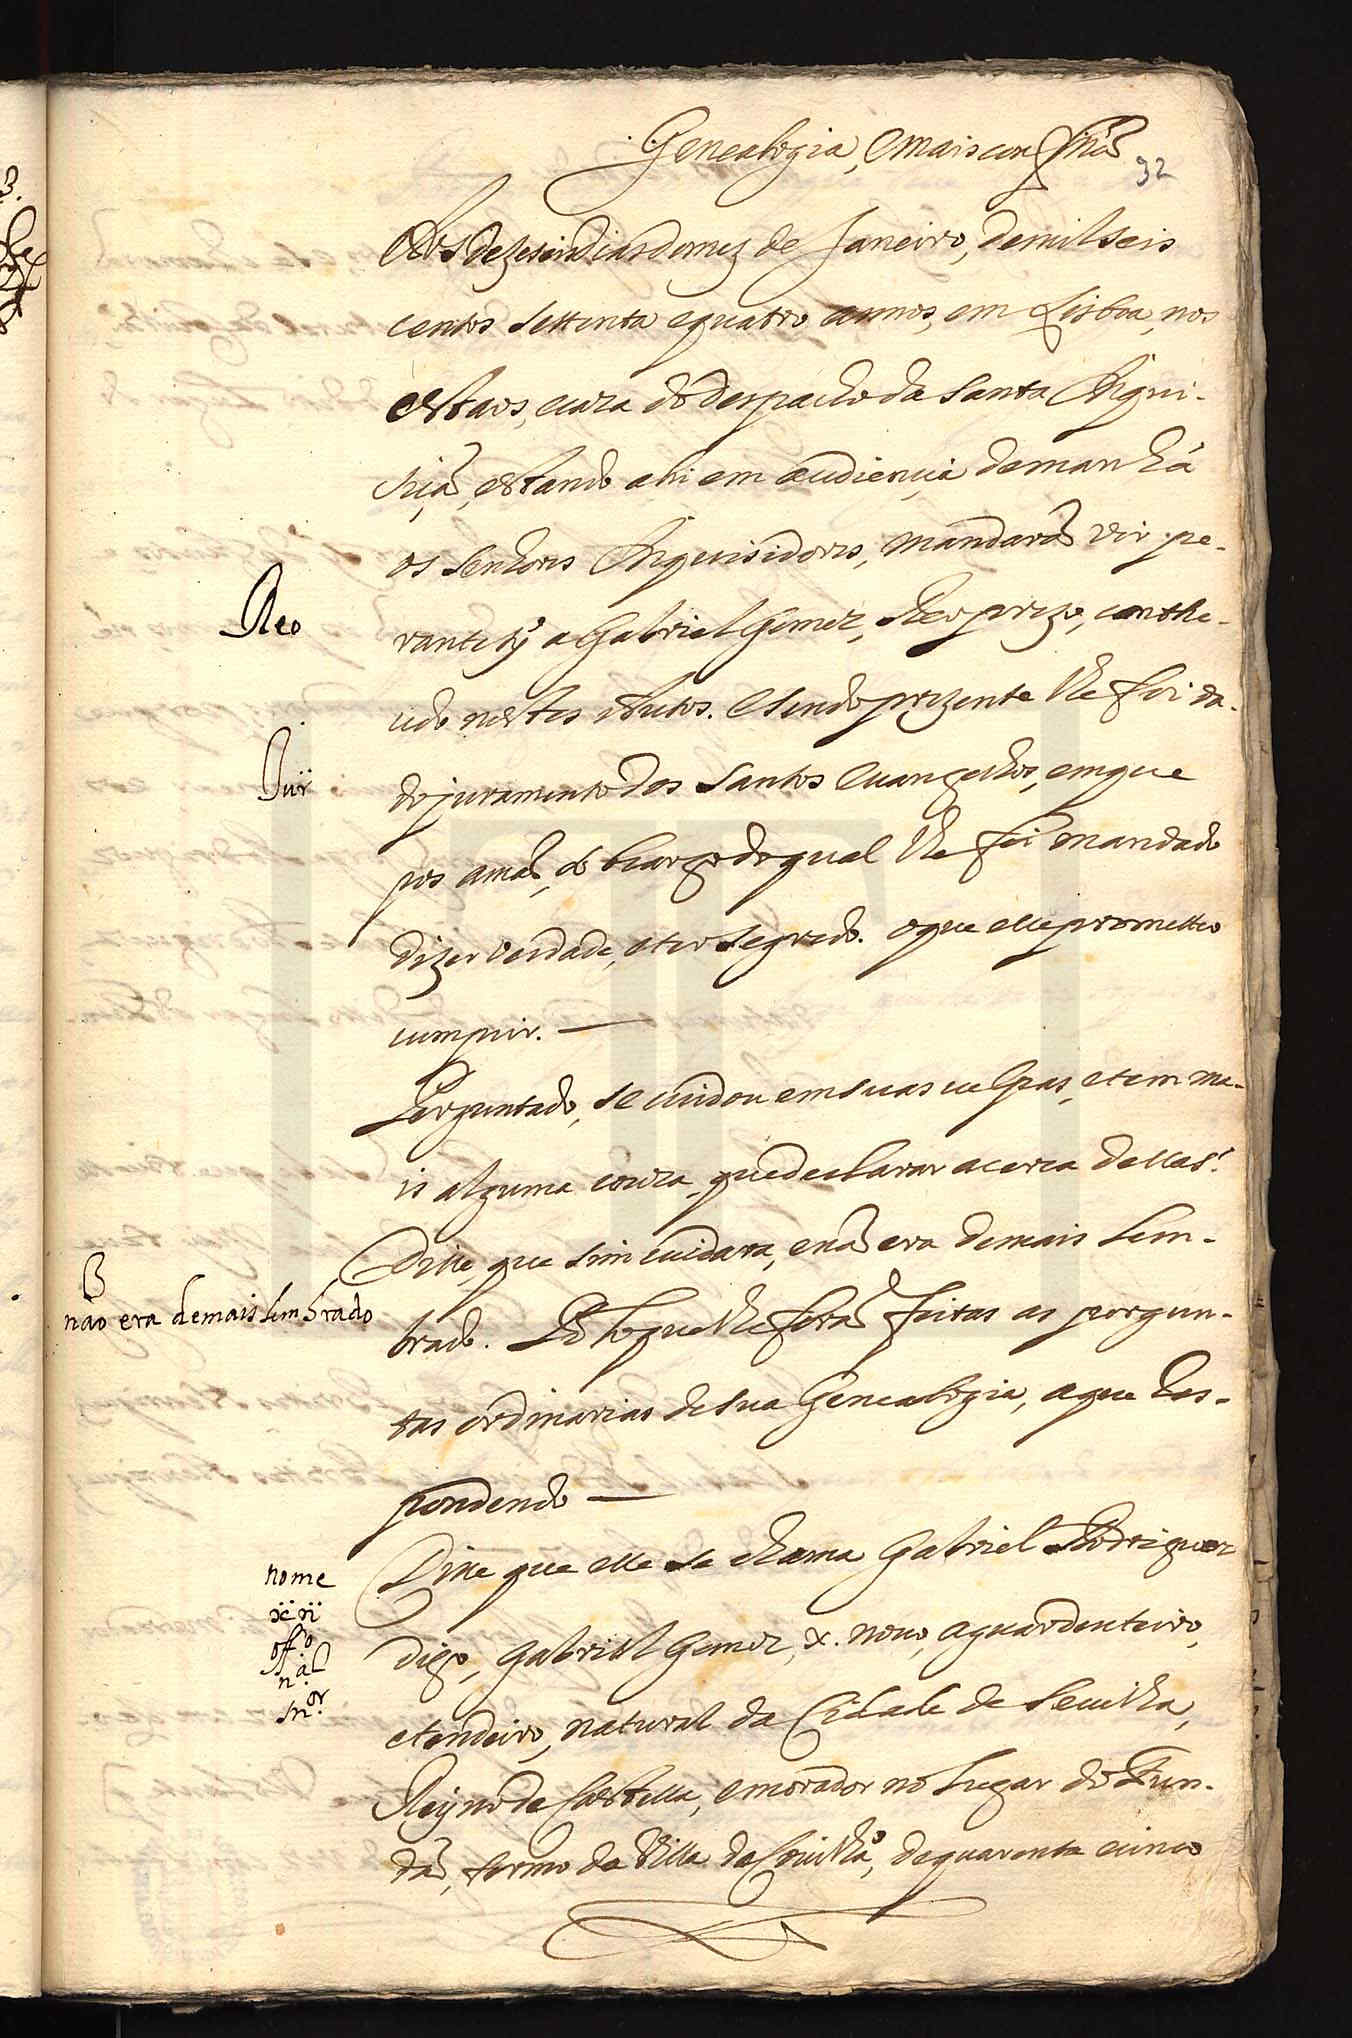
Genealogia, E mais confissaõ
Aos dezeseis dias do mez de Janeiro, de mil seis
centos settenta e quatro annos, em Lisboa, nos
estaos, e caza do despacho da Santa Inqui
siçaõ, estando ahi em audiencia da manhã
os senhores Inquisidores, mandarão vir pe
rante sy a Gabriel Gomez, Reo prezo, conthe
udo nestes Autos. E sendo prezente lhe foi da
do juramento dos santos euangelhos, em que
pos a maõ, sob cargo do qual lhe foi mandado
dizer verdade, e ter segredo o que elle prometteo
cumprir.
Perguntado se cuidou em suas culpas, e tem ma
is alguma couza, que declarar acerca dellas
disse, que sim cuidara, e naõ era demais lem
brado. Polo qual lhe forão feitas as pergun
tas ordinarias de sua Genealogia, a que Res
pondendo
Disse que elle se chama Gabriel Rodriguez
digo, gabriel gomez, x. nouo, aguardenteiro,
e tendeiro, natural da Cidade de seuilha,
Reyno de Castella, e morador no lugar do Fun
daõ, termo da Villa de Couilhã, de quarenta e cinco
Reo
Iur
não era demais lembrado
nome
x̄ n̄
off.o
n.al
m.or
